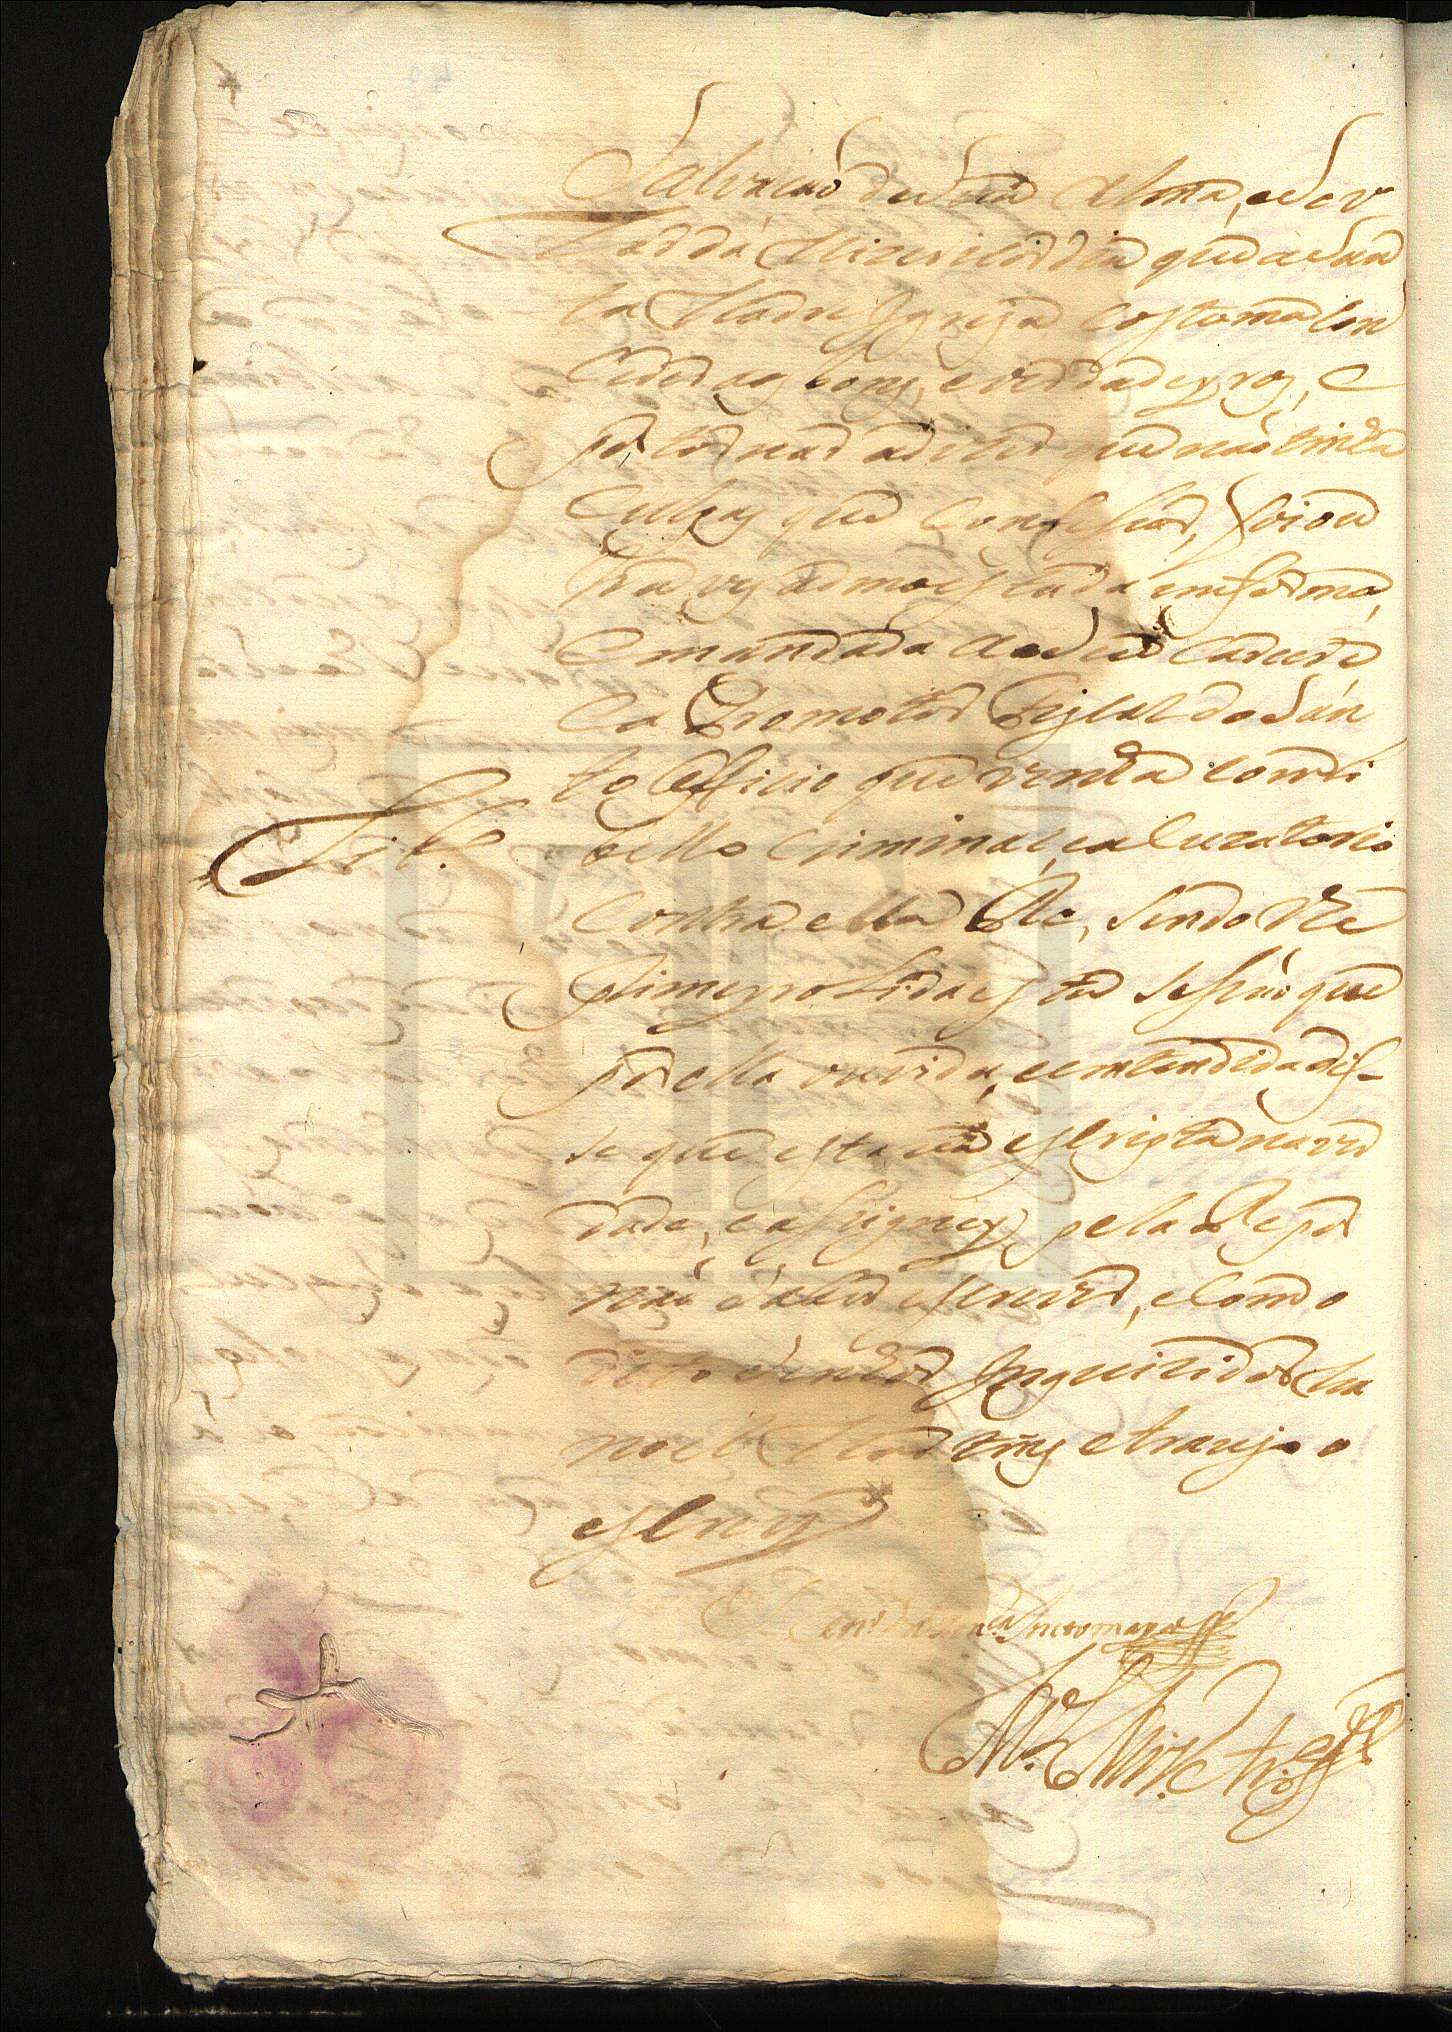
Salvaçaõ de sua alma, e se v
Zar da Mizericordia que a san
ta Madre Jgreja costuma con
ceder aos bons, e verdadeyros, e
por tornar a dizer que naõ tinha
culpas que confessar, foi ou
tra ves admoestada em forma,
e mandada ao seu carcere,
e o Promotor Fiscal do San
to Officio que venha com li
bello criminal, e acuzatorio
contra ella Re, sendo lhe
primeyro Lida esta sessaõ que
por ella ouvida, e emtendida dis
se que estaua escripta na ver
dade, e assigney pela Re por
naõ saber escrever, e com o
dito senhor Jnquizidor Ma
noel Martins Araujo o
escrevj
